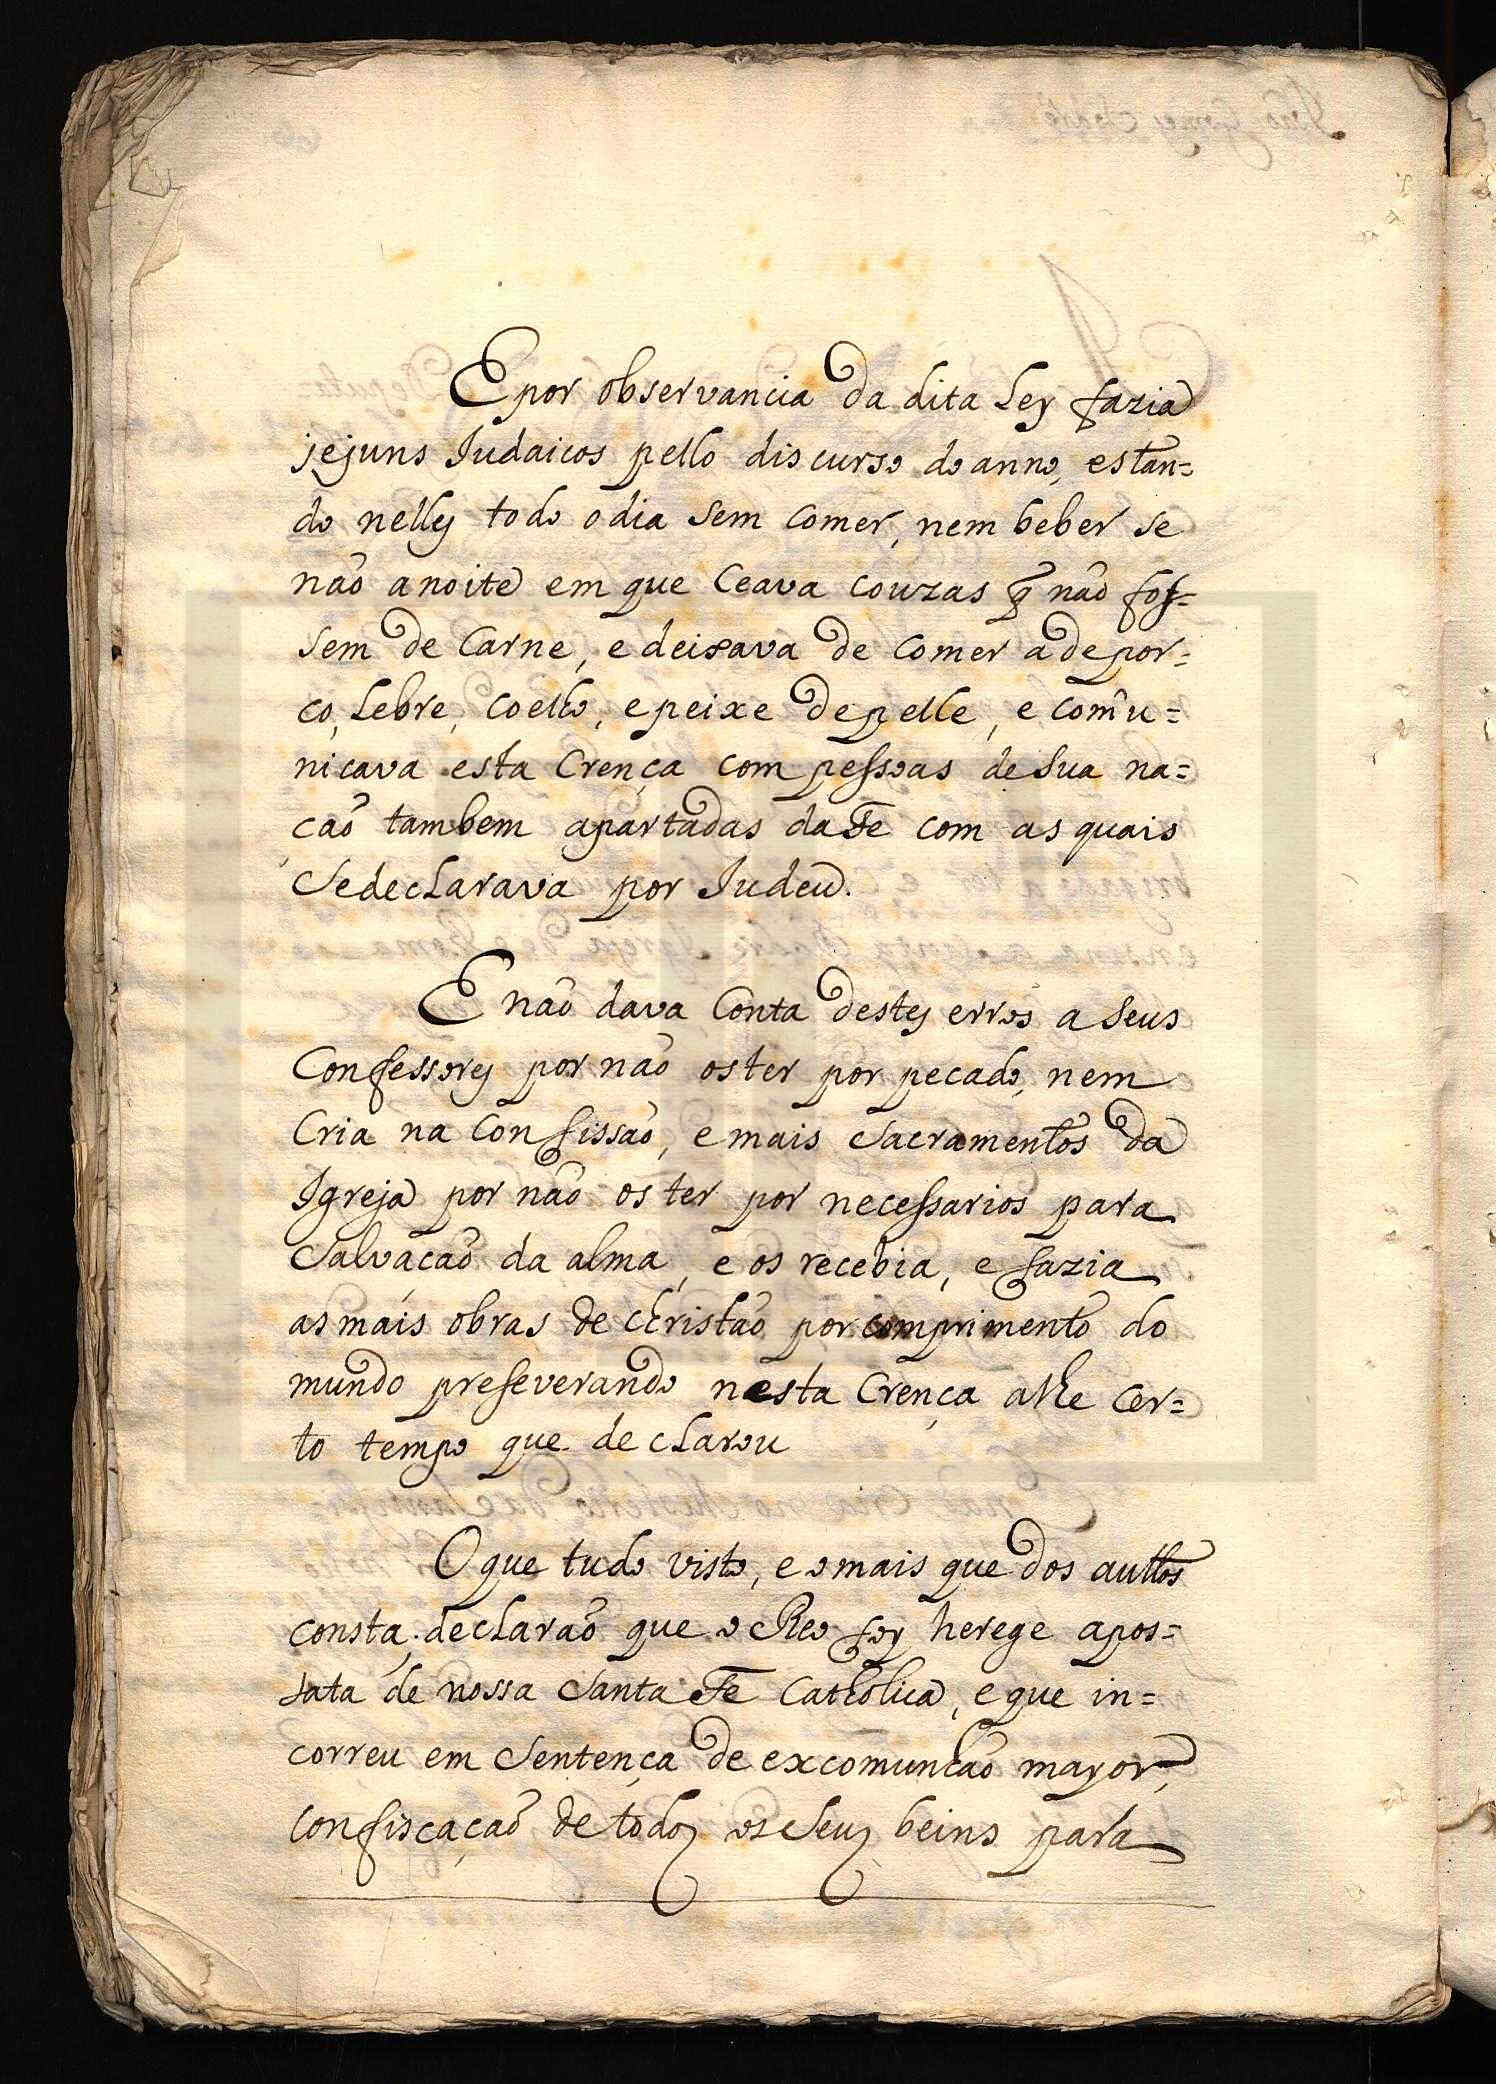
E por observancia da dita Ley fazia
jejuns Iudaicos pello discurso do anno, estan
do nelles todo o dia sem comer, nem beber se
não a noite em que ceava couzas q̄ não fos
sem de carne, e deixava de comer a de por
co, Lebre, coelho, e peixe de pelle, e com̄u
nicava esta crença com pessoas de sua na
çaõ tambem apartadas da Fe com as quais
Se declarava por Iudeu.
E não dava conta destes erros a seus
Confessores por naõ os ter por pecado, nem
Cria na confissaõ, e mais Sacramentos da
Igreja por não os ter por necessarios para
Salvação da alma, e os recebia, e fazia
as mais obras de christaõ por comprimento do
mundo preseverando nesta crença athe cer
to tempo que declarou
O que tudo visto, e o mais que dos auttos
consta; declaraõ que o Reo foy herege apos
tata de nossa Santa Fe Catholica, e que in
correu em Sentença de excomunhão mayor,
confiscaçaõ de todos os seus beins para
